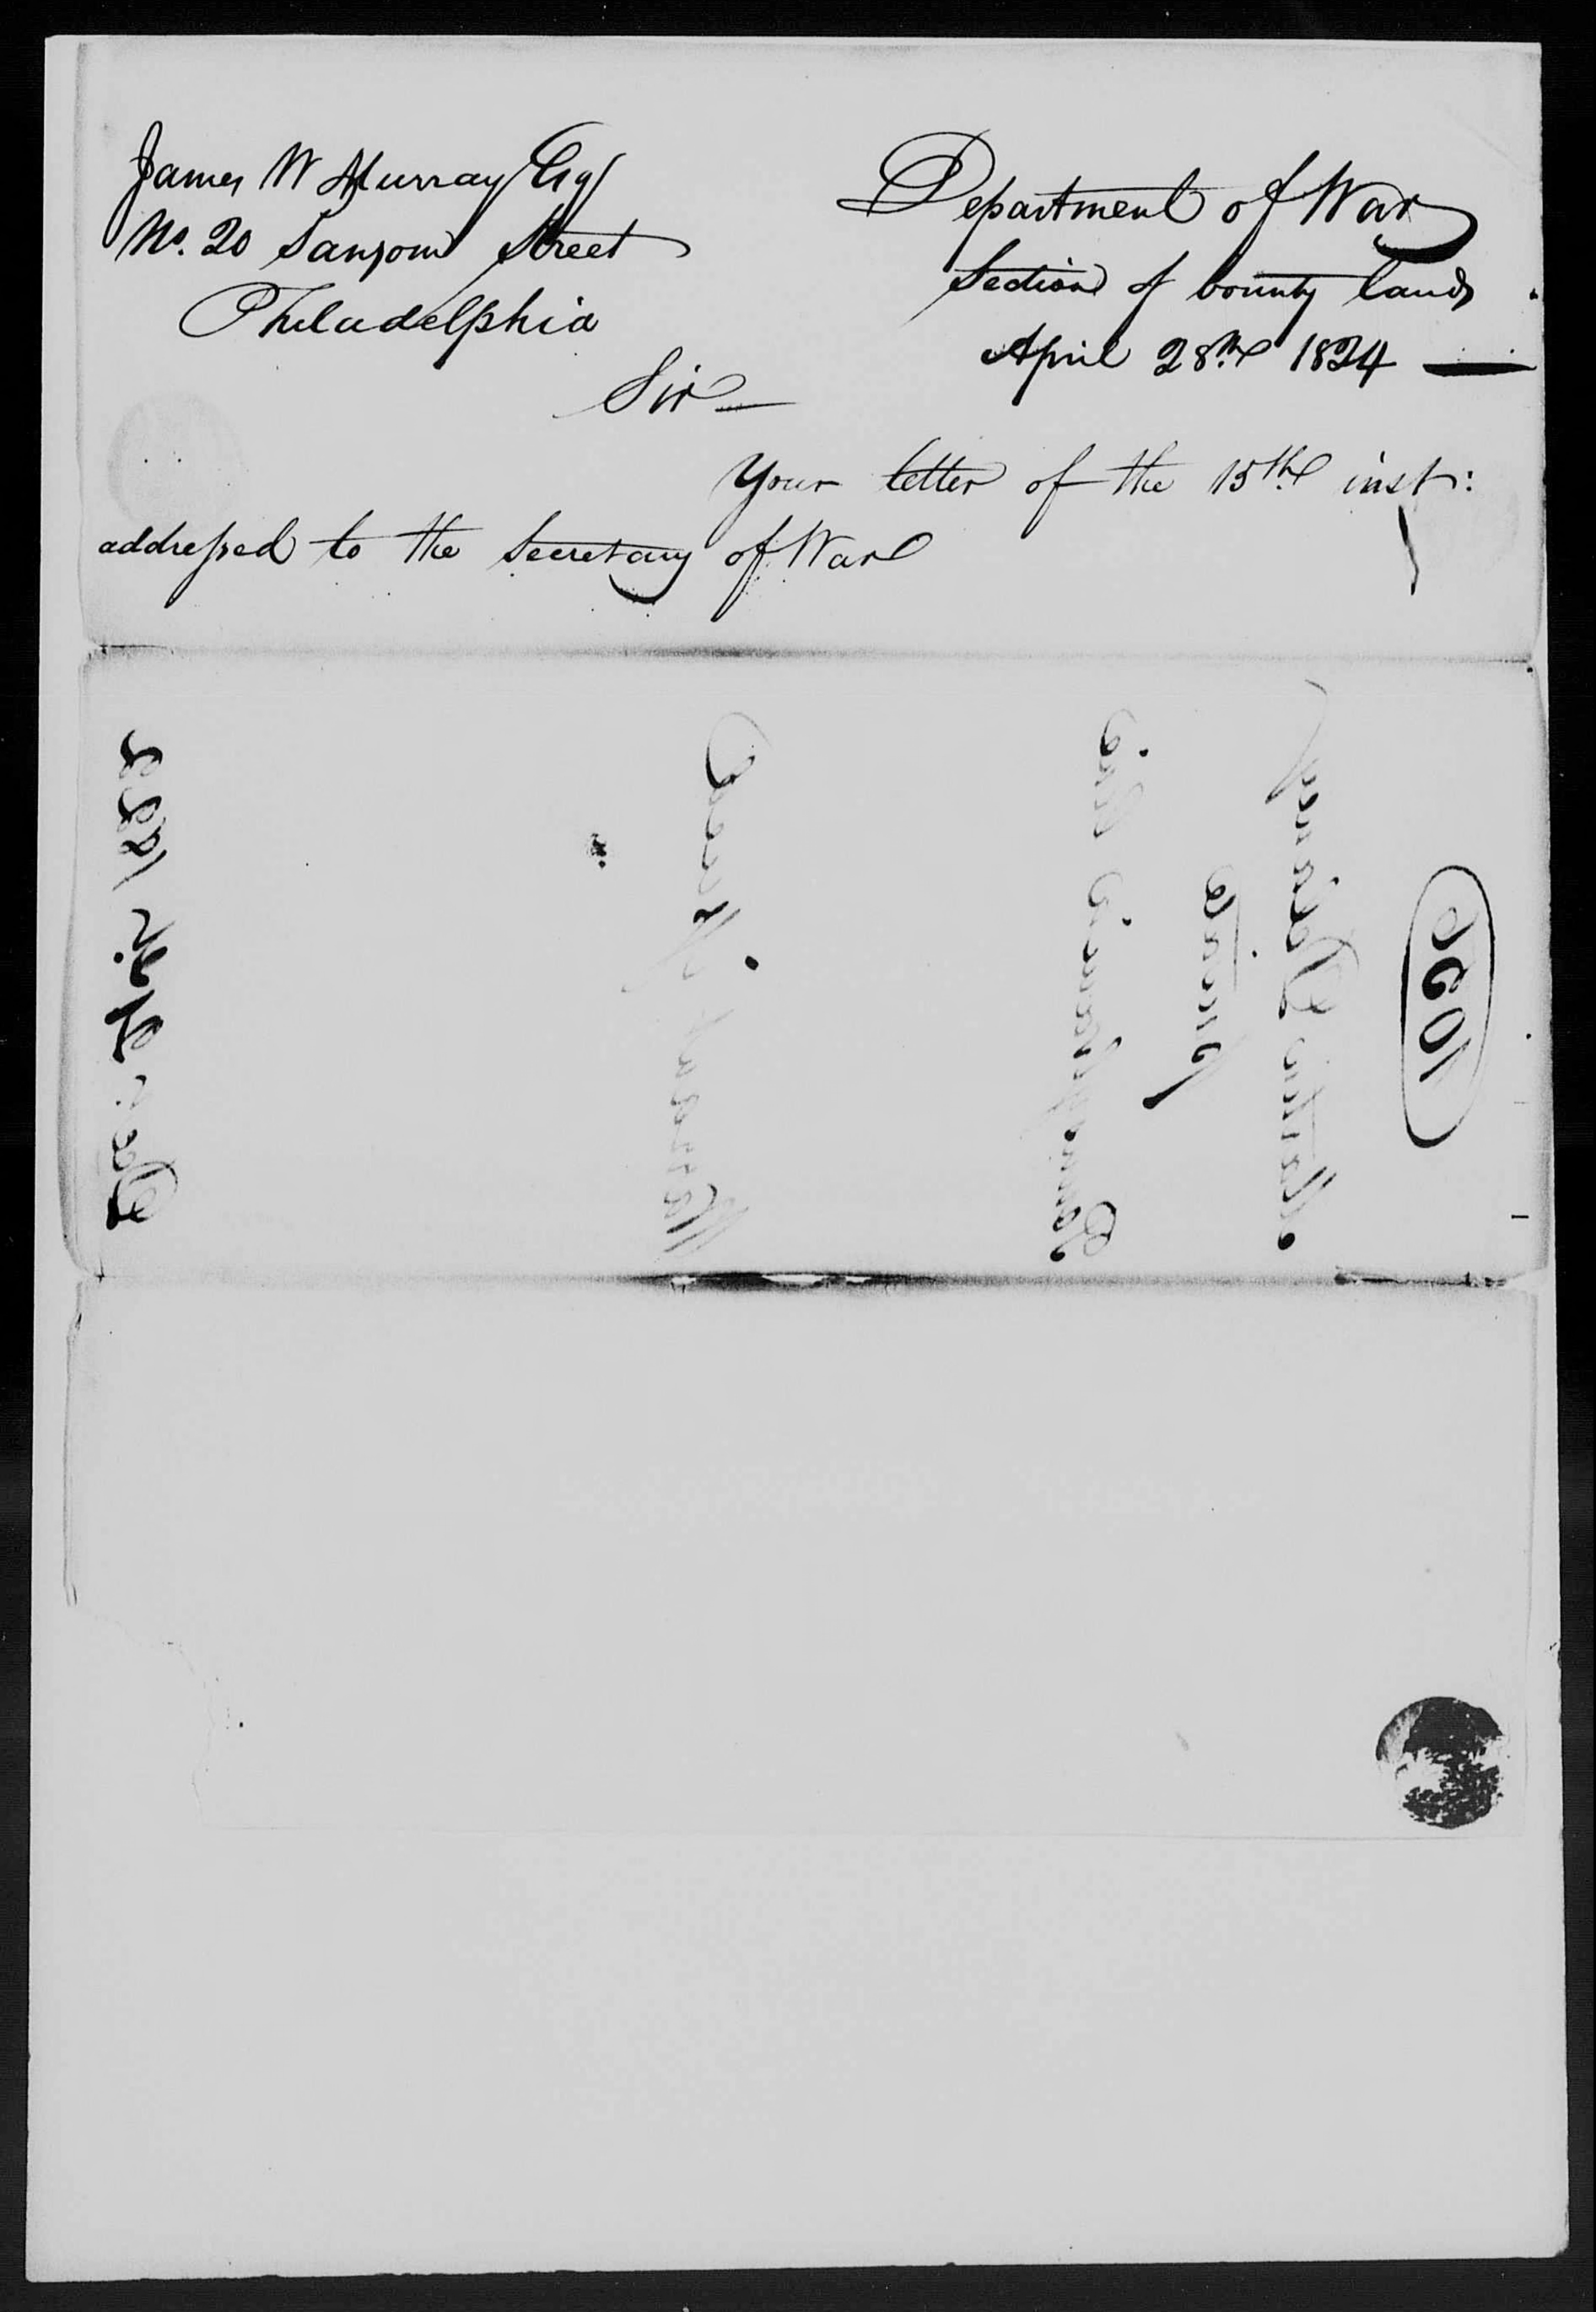James W Murray Esq.          Department of War
No 20 Sanyon Street.           Section of bounty                                                                                             Philadelphia.                          Land.  
April 28th 1824    

Sir-
Your letter of the 15th inst: addressed to the Secretary of War

(This section was placed backwards on screen and is not legible to read)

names: James W Murray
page: 4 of 22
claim: survivor's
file: S. 3,9425, Martin Delany, Penn.